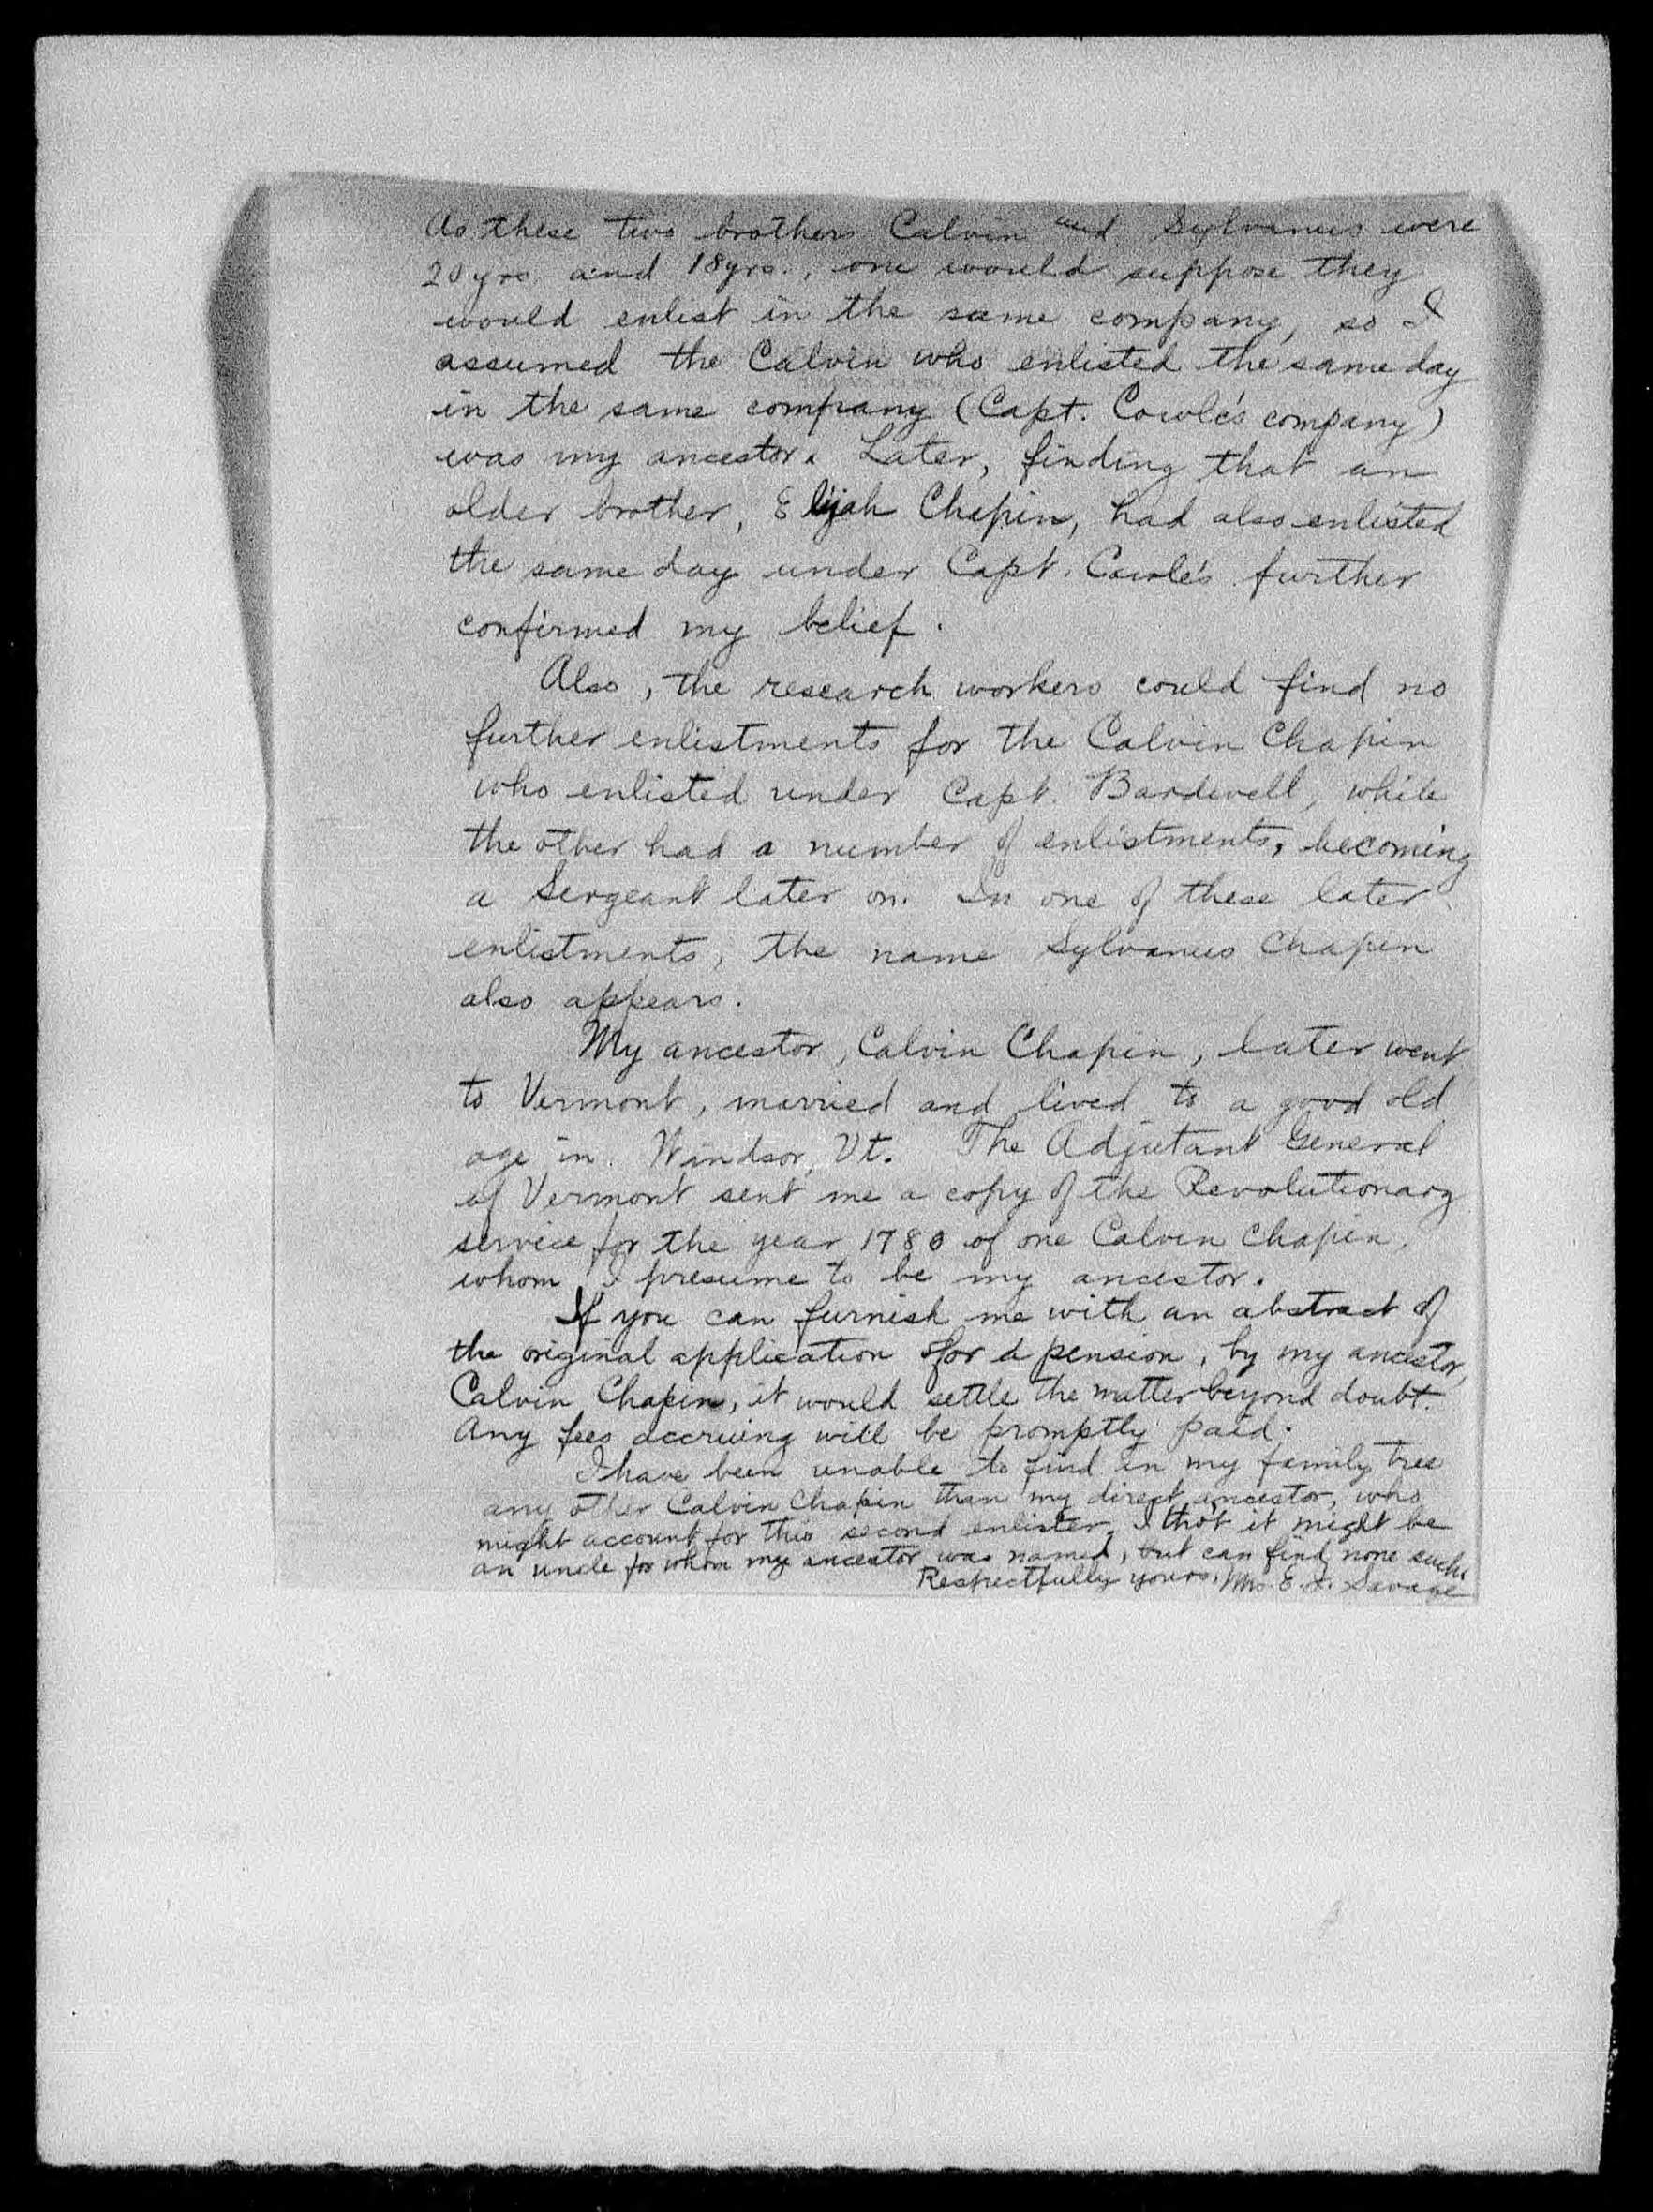As these two brother Calvin and Sylvanus were 20 yrs and 18 yrs., one would suppose they would enlist in the same company, so I assumed the Calvin who enlisted the same day in the same company (Capt. Cowle's company) was my ancestor. Later, finding that an older brother, Elijah Chapin, had also enlisted the same day under Capt. Cowle's further confirmed my belief.
Also, the research workers could find no further enlistments for the Calvin Chapin who enlisted under Capt. Bardwell, while the other had a number of enlistments, becoming a Sergeant later on. In one of these later enlistments, the name Sylvanus Chapin also appears.
My ancestor, Calvin Chapin, later went to Vermont, married and lived to a good old age in Windsor, Vt. The Adjutant General of Vermont sent me a copy of the Revolutionary service for the year 1780 of one Calvin Chapin, whom I presume to be my ancestor.
If you can furnish me with an abstract of the original application for a pension, by my ancestor, Calvin Chapin, it would settle the matter beyond doubt. Any fees accruing will be promptly paid.
I have been unable to find in my family tree any other Calvin Chapin than my direct ancestor, who might account for this second enlister, I thot it might be an uncle for whom my ancestor was named, but can find none such
Respectfully yours, /s/Mrs. E. J. Savage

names: E J Savage, Calvin Chapin, Sylvanus, Bardwell, Calvin Chapin, Calvin, Calvin Chapin, Sylvanus Chapin, Calvin, Calvin Chapin, Calvin Chapin, Elijah Chapin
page: 25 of 35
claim: widow's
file: W. 20,864, Calvin Chapin, Mass. Vt.